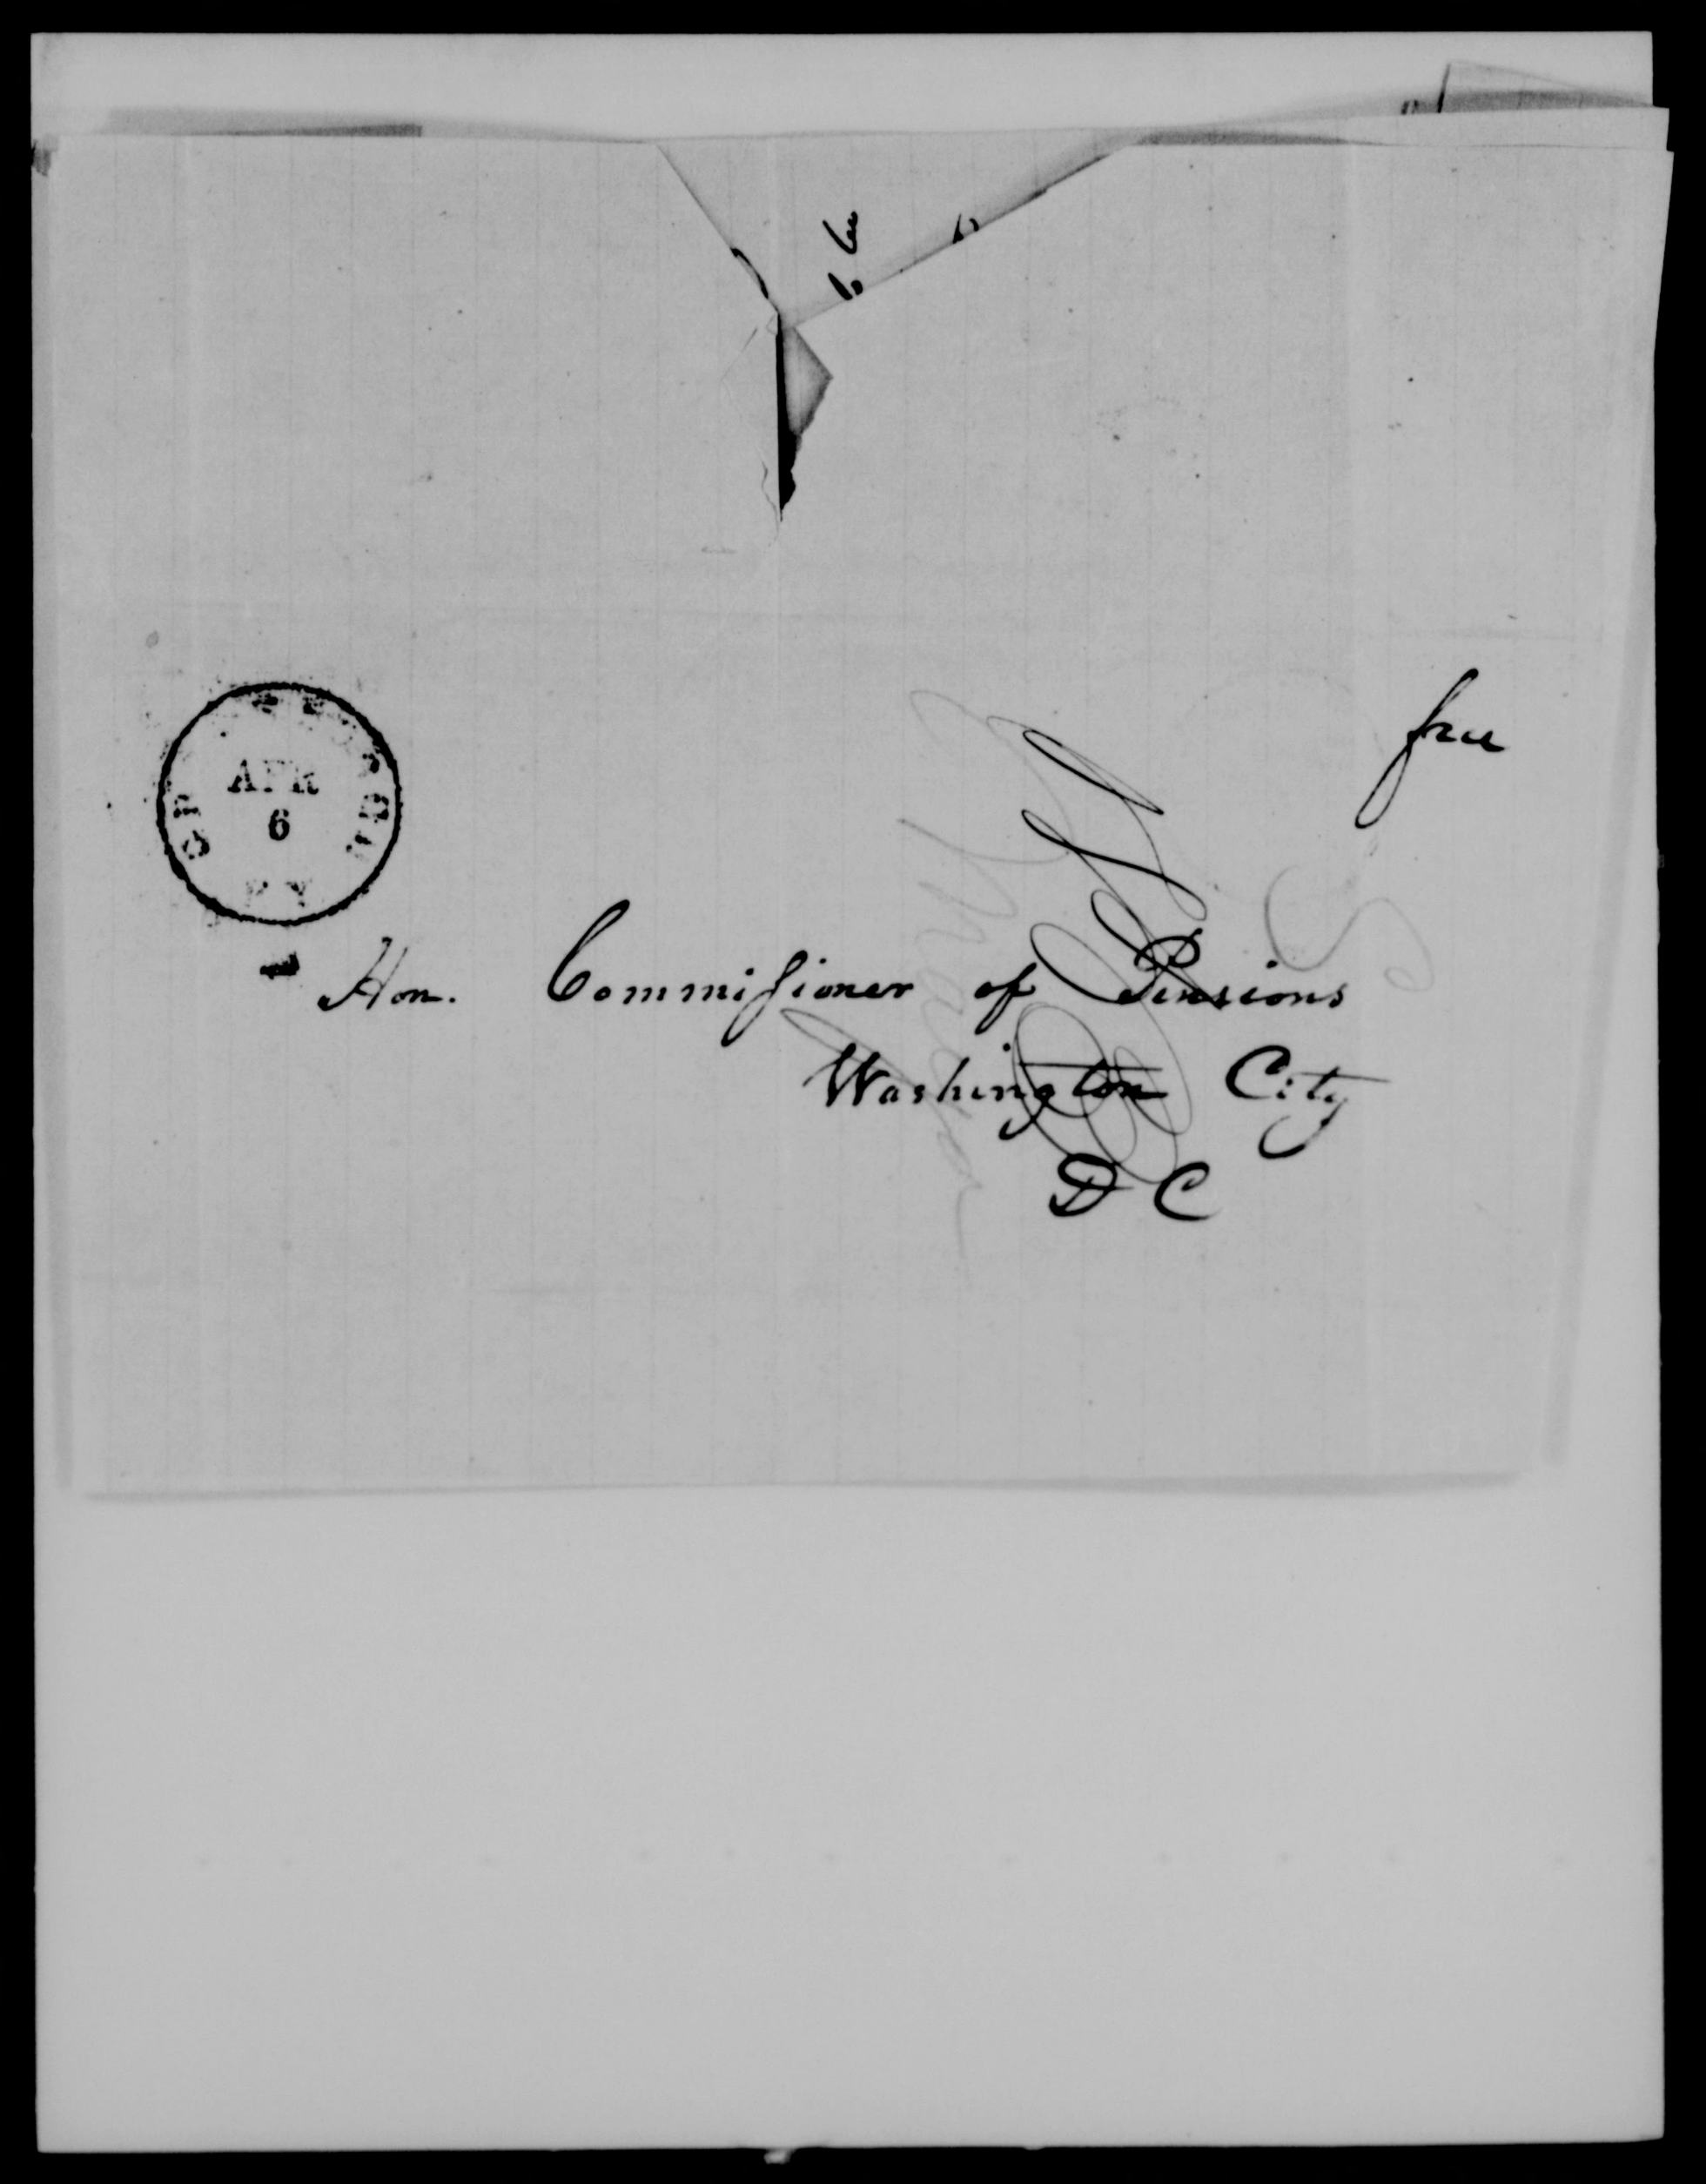( post mark ) [ GREENSBURG KY APR 6 ]          free    Hon. Commissioner of Pensions Washington City D C ( vertical across address )   S B Mayor ( ? ECS Initials )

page: 35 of 53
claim: widow's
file: W. 6,267, for John Thurman, Georgia